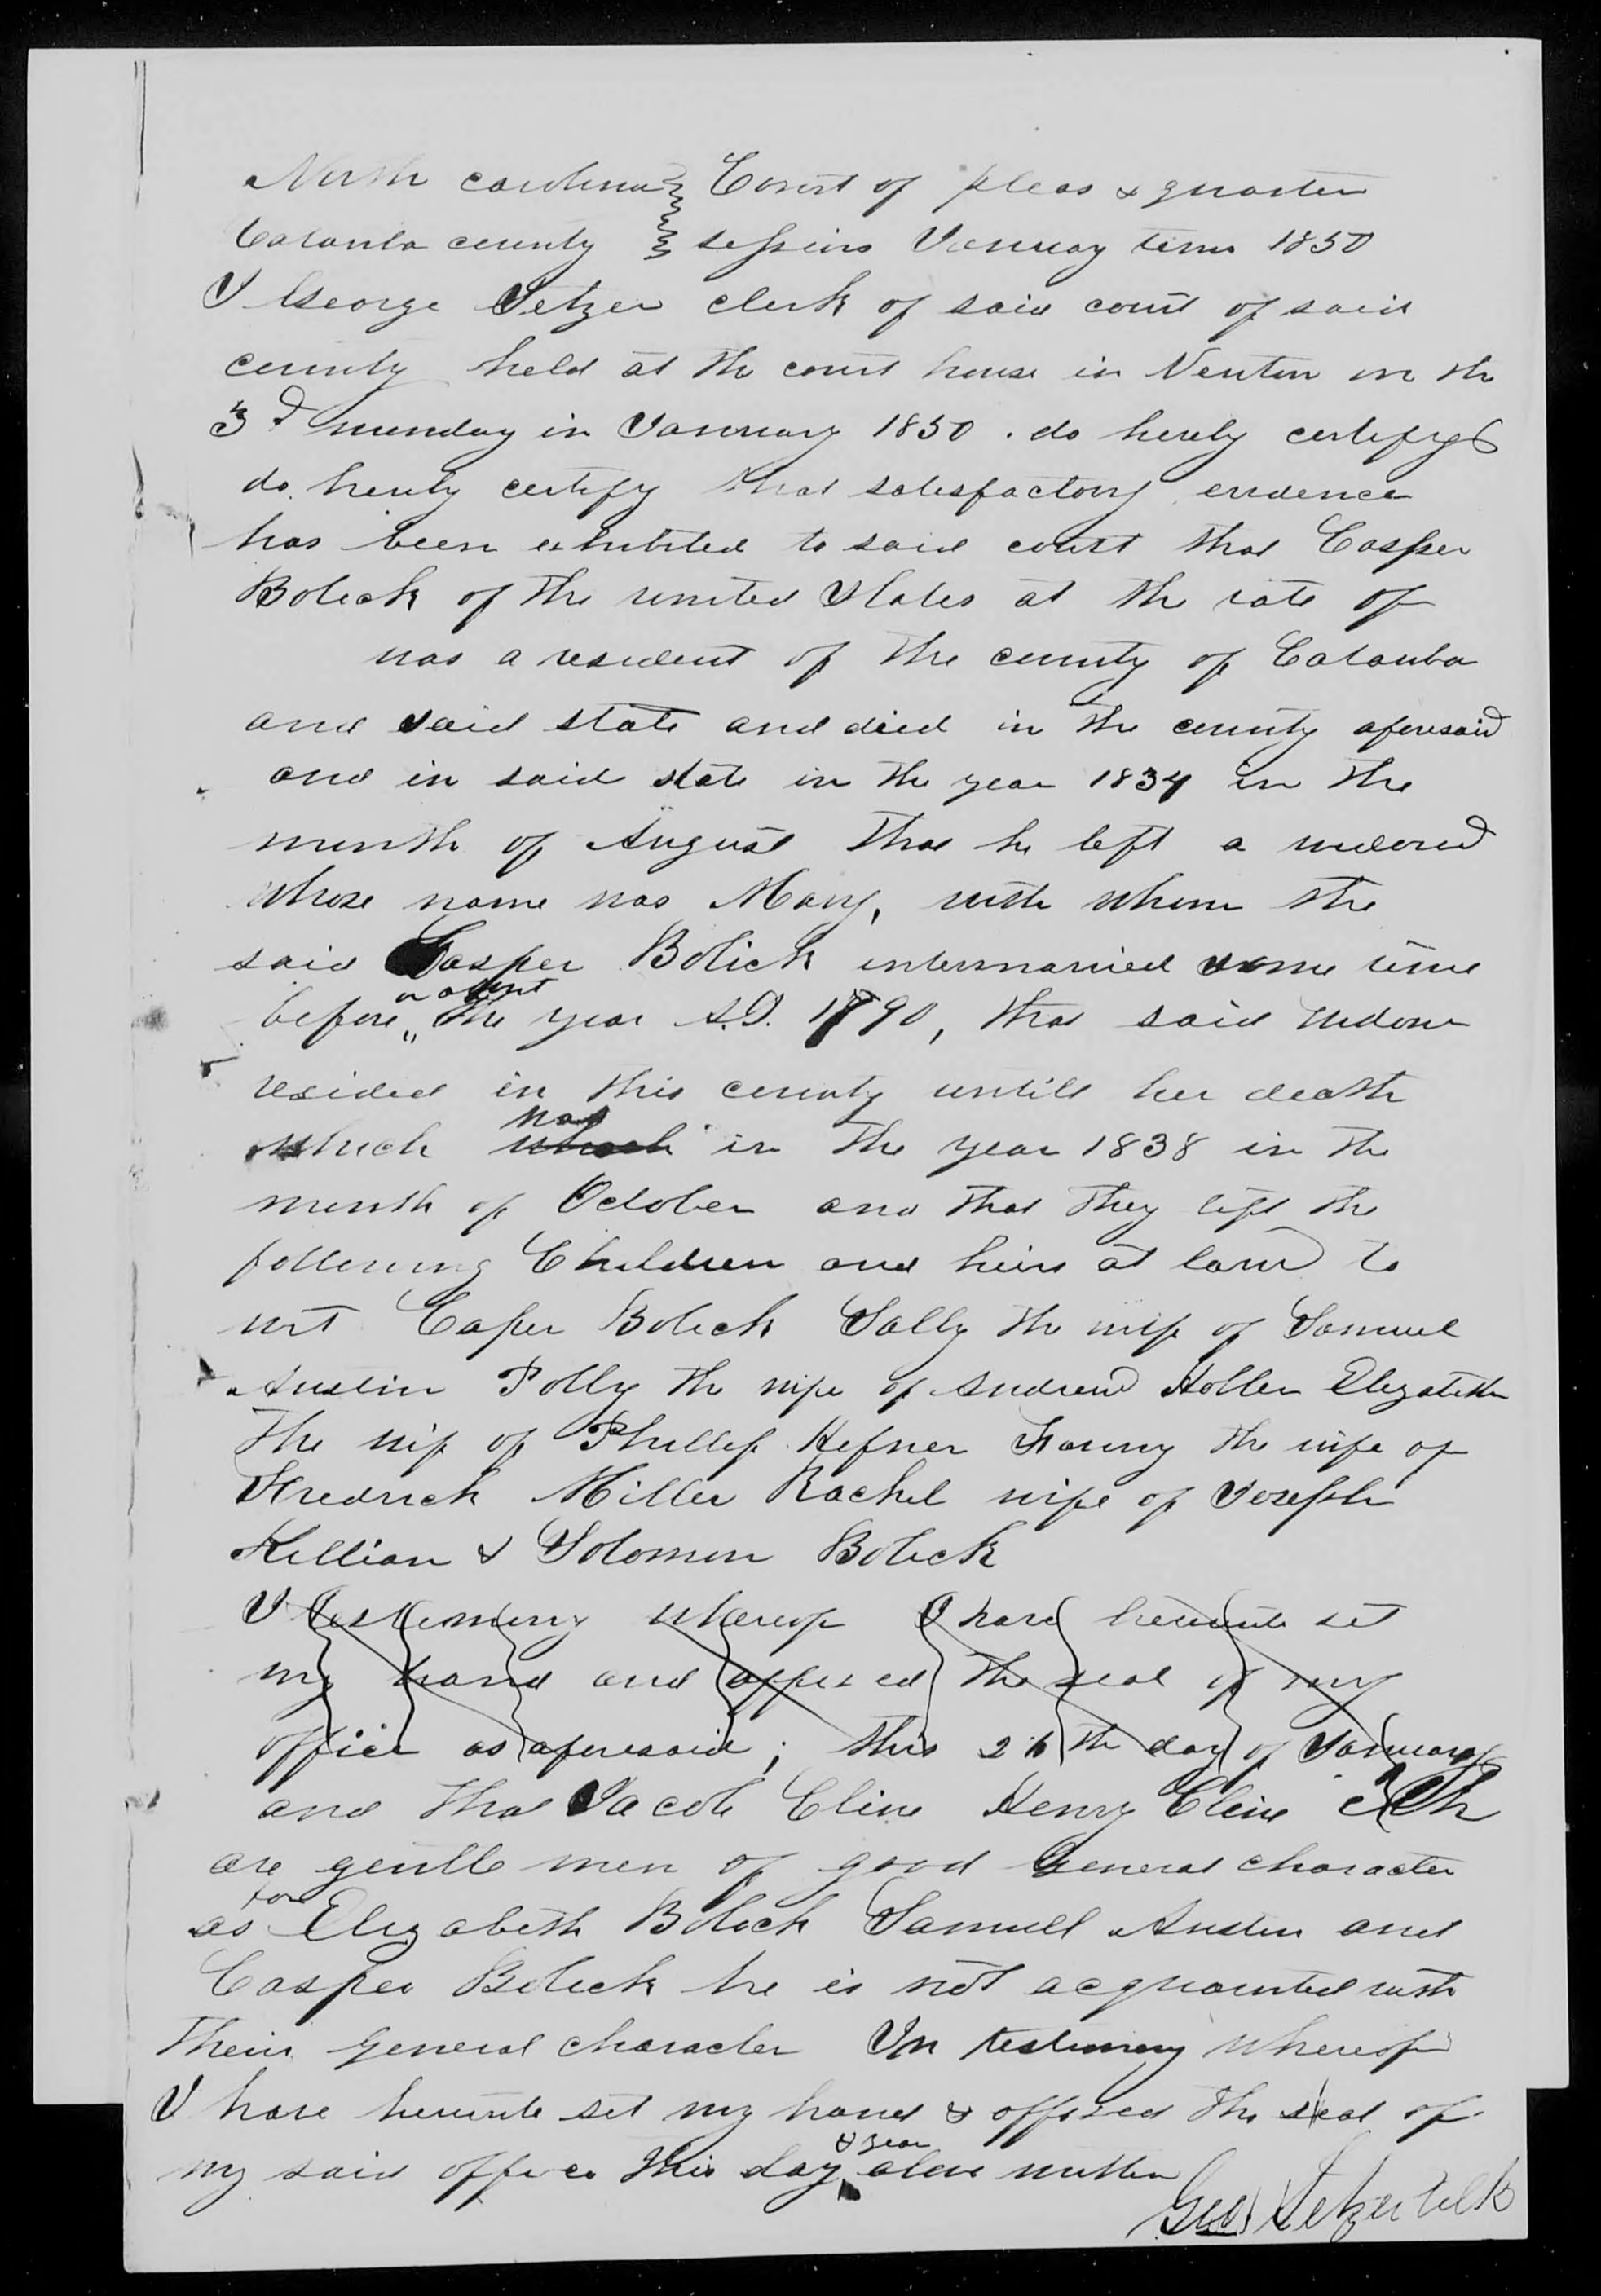North Carolina} Court of pleas & quarter 
Catawba County} sessions January Term 1850
I George Setzer clerk of said court of said county held at the court house in Newton on the 3rd monday in January 1850 do hereby certify do hereby certify that satisfactory evidence has been exhibited to said court that Casper Bolick of the United States at the rate of    was a resident of the county of Catawba and said state and died in the county aforesaid and in said state in the year 1834 in the month of August that he left a widow whose name was Mary with whom the said Casper Bolick intermarried some time before or about the year A. D. 1790, the said widow resided in this county until her death which was in the year 1838 in the month of October and that they left the following children and heirs at law to wit Casper Bolick, Sally the wife of Samuel Austin, Polly the wife of Andrew Holler Elizabeth the wife of Phillip Hefner fanny the wife of Fredrick Miller Rachel wife of Joseph Killian & Solomon Bolick
and that Jacob Cline Henry Cline are gentle men of good general character as Elizabeth Bolick Samuel Austin and Casper Bolick he is not acquainted with their general character. In testimony whereof I have hereunto set my hand & affixed the seal of my said office this day & year above written. 
[Signature] Geo. Setzer Clk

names: Bolick Sally, Fredrick Miller, Andrew Holler, Casper Bolick, Samuel Austin, Henry Cline, Casper Boleck, Polly, Solomon Bolick, Phillip Hefner, Jacob Cline, Elizabeth, Elizabeth Bolick, Geo Setzer, George Setzer, Casper Bolick, Rachel, Samuel Austin, Mary, Joseph Kellian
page: 33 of 43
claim: widow's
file: W. 18,566, Casper Bolick, N.C.